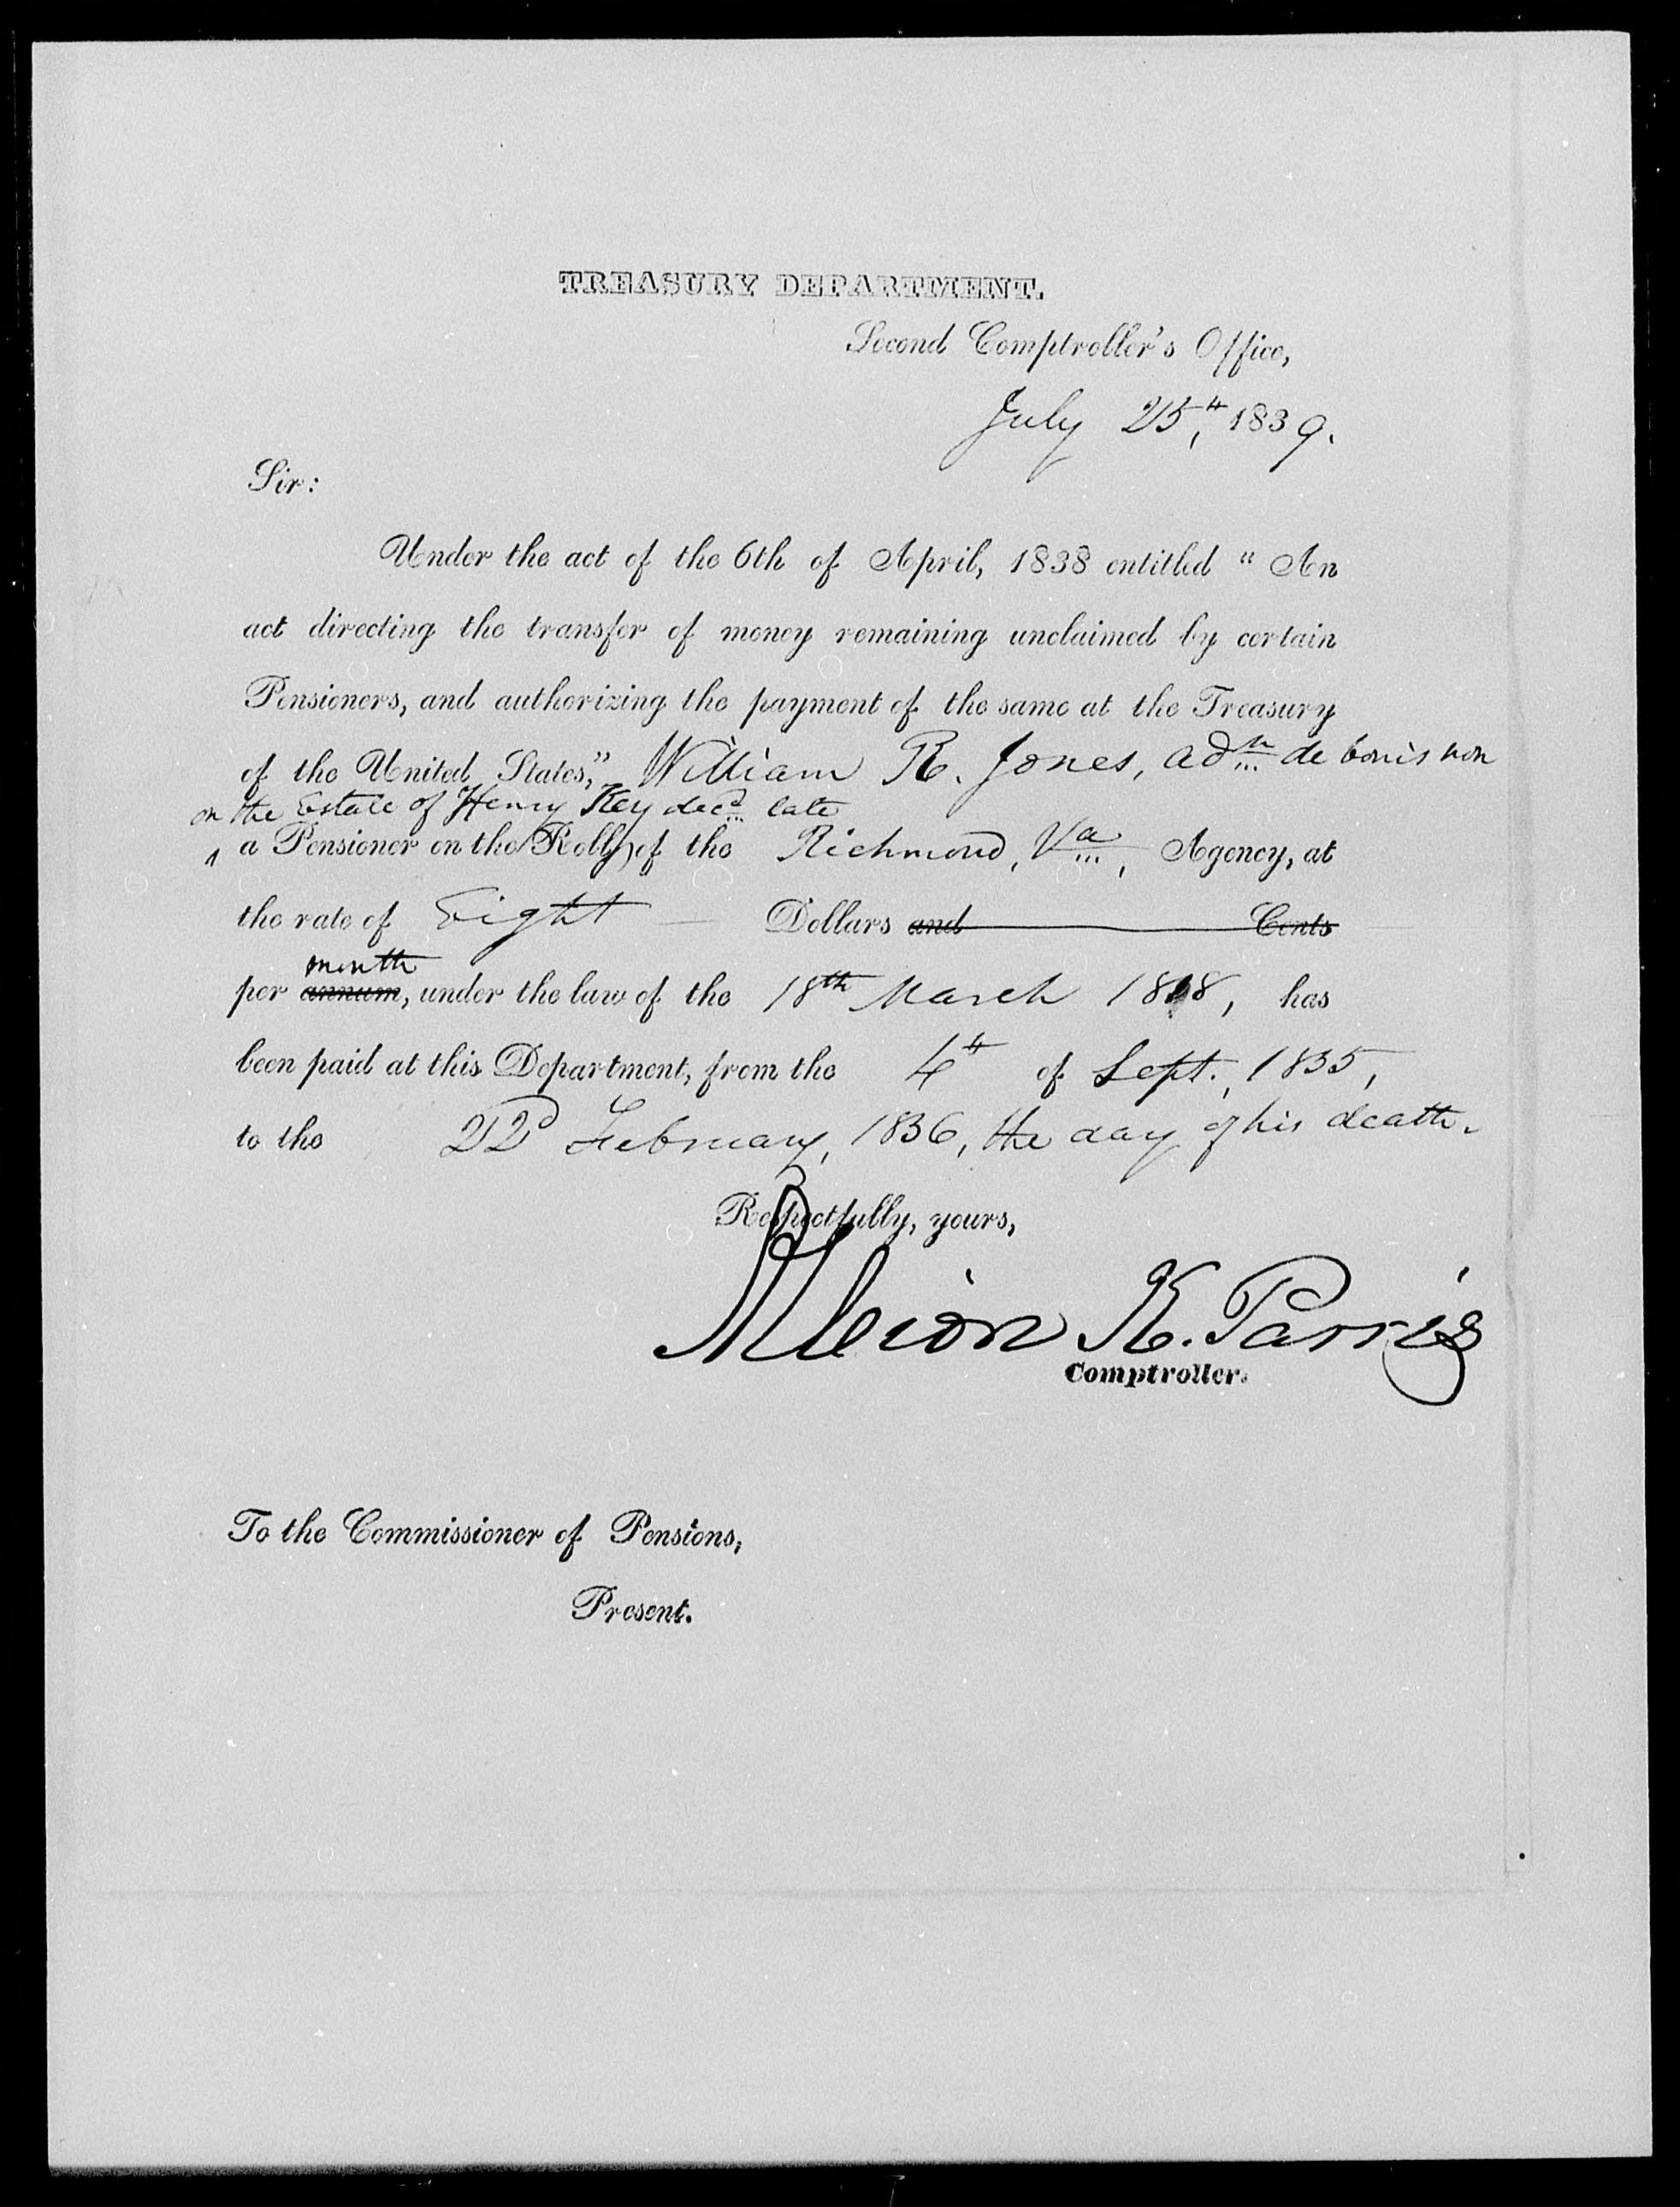Page 3

TREASURY DEPARTMENT
Second Comptroller's Office
July 25, 1839.

Sir:
Under the act of the 6th of April, 1838 entitled "An act directing the transfer of money remaining unclaimed by certain Pensioners, and authorizing the payment of the same at the Treasury of the United States," William R. Jones, adm de bonis non on the Estate of Henry Key decd late, a Pensioner on the Roll of the Richmond, VA Agency, at the rate of Eight Dollars and [crossed out] Cents [crossed out] per annum [crossed out] month, under the law of the 18th March month has
been paid at this Department, from the
4th of Sept. 1835 to the 22 February 1836, the day of his death.

Respectfully yours,
Albion K. Parris
Comptroller

To the Commissioner of Pensions,
Present.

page: 3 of 25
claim: survivor's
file: S 38116, for Henry Key, Virginia